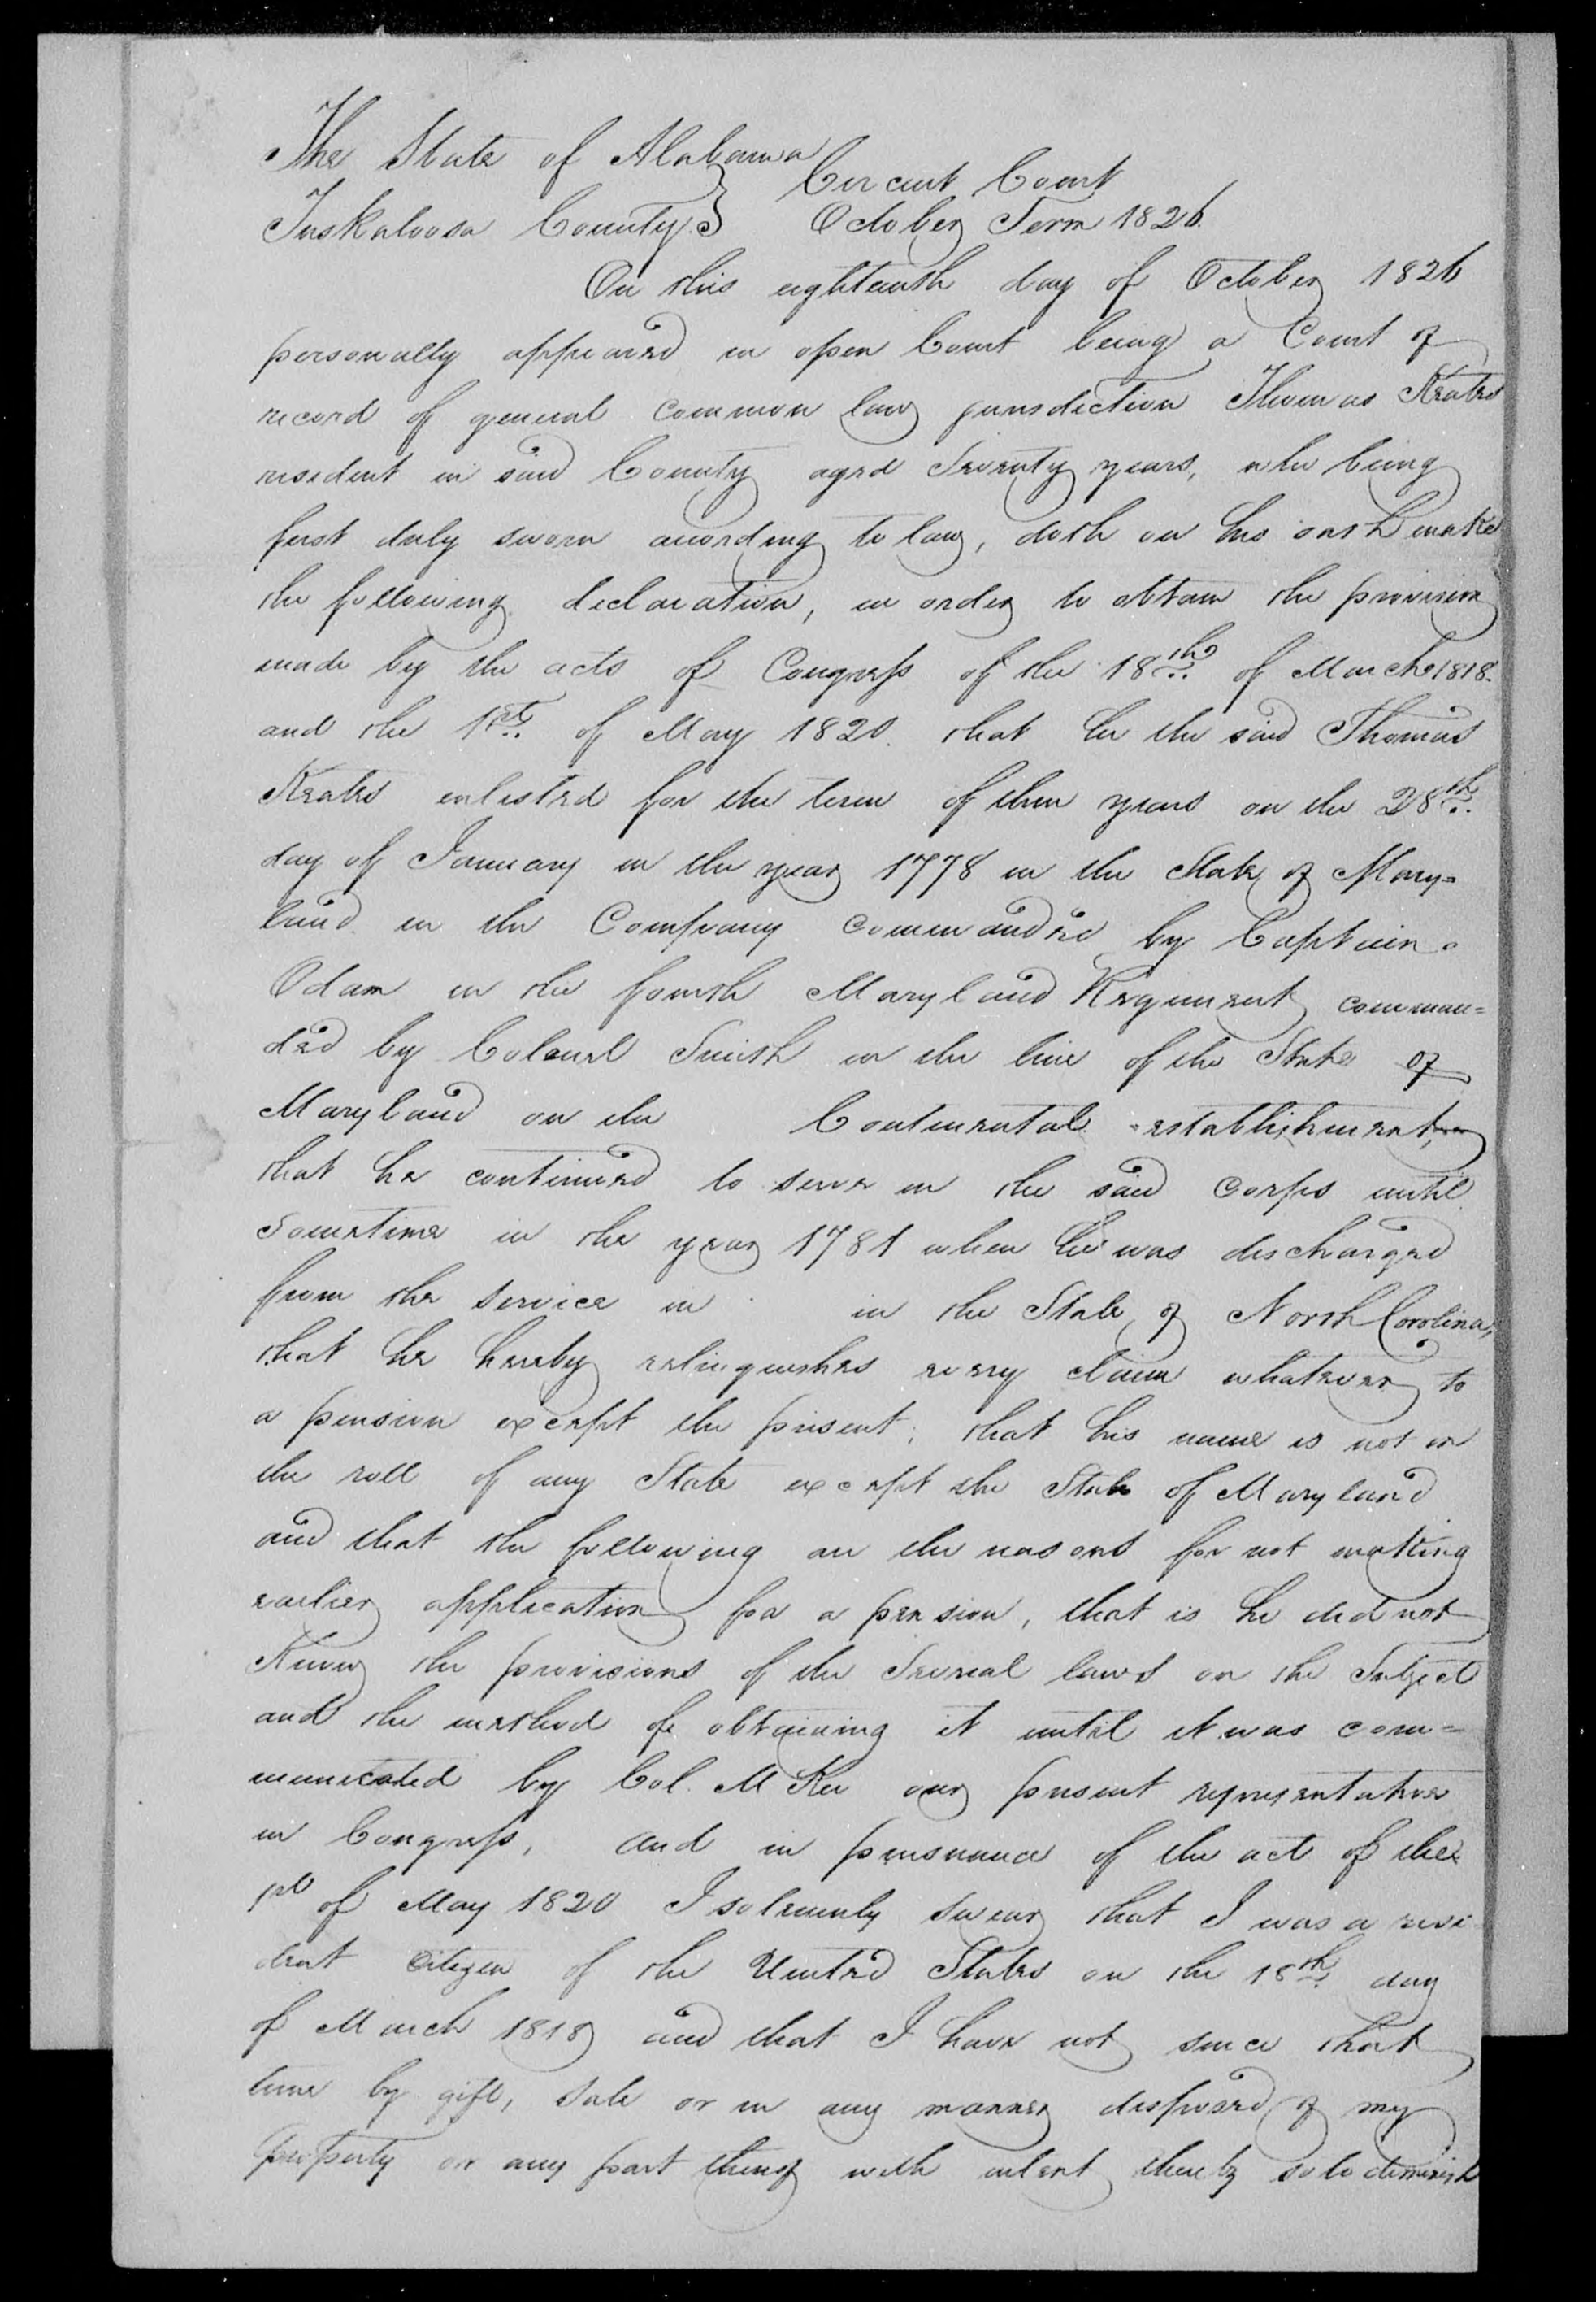The State of Alabama
Tuskaloosa County
Circuit Court Term 1826.
On this eighteenth day of October 1826
personally appeared in open Court being a Court of
record of general common law jurisdiction Thomas Keates
resident in said County aged seventy years, who being
first duly sworn according to law, doth on his oath make
the following declaration, in order to obtain the pension
made by the acts of Congress of the 18th of March 1818
and the 1st of May 1820 that be the said Thomas
Keates enlisted for the term of three years on the 28th
day of January in the year 1778 in the State of Mary-
land in the Company commanded by Captain
Odam in the fourth Maryland Regiment commanded
by Colonel Smith in the line of the State of
Maryland on  the Continental establish[illegible]
that he continued to serve in the said corps until
sometime in the year 1781 when he was discharged
from the service in the State of North Carolina,
that he hereby relinquishes every claim whatsoever to
a pension except the present, that his name is not on
the roll of any State except the State of Maryland
and that the following an the reasons for not making
earlier application for a pension, that is he did not
know the provisions of the several laws on the subject
and the [illegible] of obtaining it until it was com-
municated by Col. McKee our present representative
in Congress, and in Pursuance of the act of the
1st of May 1820 I solemnly swear that I was a resident
citizen of the United States on the 18th day
 of March 1818 and that I have not since that
time by gift, sale or in any manner disposed of my
property or any part thereof with intent  thereby 
so to diminish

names: [BLANK] Mc Kee; [BLANK] Odam; Thomas Keates; [BLANK] Smith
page: 6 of 25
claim: survivor's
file: S. 38109, for Thomas Keates, Maryland